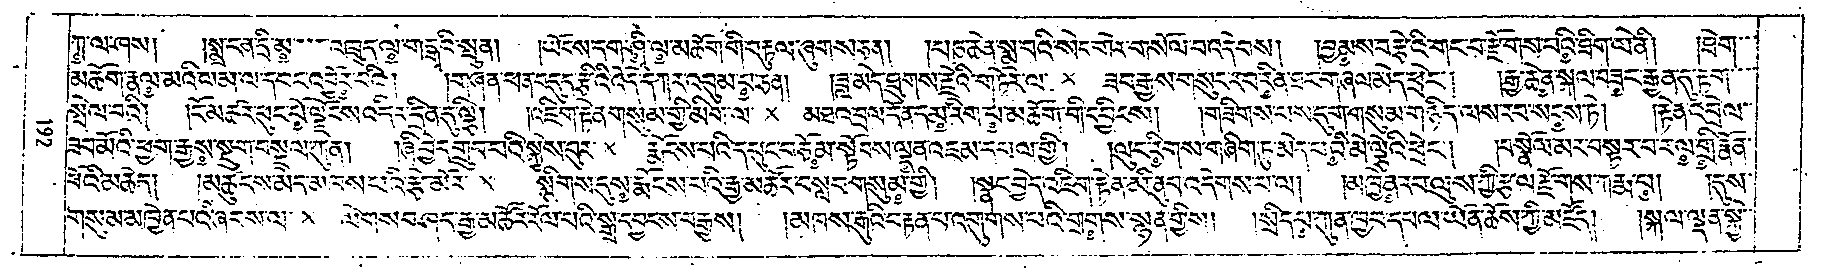ཀ྾་ལ་ཤས། །སྨྲ་ངན་དྲ་མ྾་འཁྲུད་ལ྾་གངྒཱའི་སྤུན། །ཡོངས་དག྾་ཤི྾་ལ྾་མཆོག་གི་བརྟུལ་ཞུགས་ཅན། །པཎ་ཆེན་སྨྲ་བའི་སེང་གེར་གསོལ་བ་འདེབ། །བྱམས྾་བརྩེའི་གང་བ་རྫོགས་པའི྾་ཐིག་ལེ་ནི། །ཐེག་
མཆོག་རྣལ྾་མའི་ལམ་ལ་དབང་འབྱོར྾་བའི། །གཞན་ཕན་བདུད་རྩིའི་འོད་དཀར་འབུམ་པ྾་ཅན། །ཟླ་མེད་ཐུགས་རྗེའི་གཏེར་ལ་྾་ཟབ་རྒྱས་གསུང་རབ་རིན྾་ཐང་གཞལ་མེད་ཕྲེང་། །རྒྱ་ཆེན྾་སྐལ་བཟང྾་རྒྱན་དུ་རྟག་
སྤེལ་བའི། །ངོ་མཚར་ཕུང་པོ྾་ལྗོངས་འདིར་དྲིན་དུ་ལྕི། །འཇིག་རྟེན་གསུམ་གྱི་མིག་ལ་྾་མཐའ་བྲལ་དོན་དམ྾་རིག་པ྾་མཆོག་གི་དབྱིངས། །གཟིགས་པས་དུག་གསུམ་གཉིད་ལས་རབ་སངས྾་ཏེ། །རྟེན་འབྲེལ་
ཟབ་མོའི་ཕྱག་རྒྱས྾་སྡུག་བསྔལ་ཀུན། །ཞི་བྱེད་གྲུབ་པའི་སྐྱེས་བུར་྾་རྨོངས་པའི་དཔུང་བཅོམ྾་སྟོབས་ལྡན྾་འཇམ་དཔལ་གྱི། །ལུང྾་རིགས་གཞིག་ཏུ་མེད་པའི྾་མེ་ལྕེའི་ཕྲེང་། །བསྣོལ་མར་བསྟར་བ་རལ྾་གྲི྾་རྣོན་
པོའི་མཆེད། །མཚུངས་མེད་མཁས་པའི་རྩེ་མོར་྾་སྙིགས་དུས྾་རྨོངས་པའི་རྒྱ་མཚོར་བསླབ་གསུམ྾་གྱི། །སྣང་བྱེད་འཇིག་རྟེན་མི་ནུབ་འདེགས་པ་ལ། །མཁྱེན྾་རབ་ལུས་ཀྱི་རྩལ་རྫོགས་ཀརྨ་པ྾། །དུས་
གསུམ་མཁྱེན་པའི་ཞབས་ལ་྾་ལེགས་བཤད་རྒྱ་མཚོར་རོལ་པའི་སྒྲ་དབྱངས་བརྒྱས། །མཁས་རྒུའི་བརྟན་པ་འགུགས་པའི་གྲགས྾་སྙན་གྱིས། །སྲིད྾་པ་ཀུན་ཁྱབ་དཔལ་ཡོན་ཆོས་ཀྱི་མཛོད། །སྐལ་ལྡན་སྐྱེ་